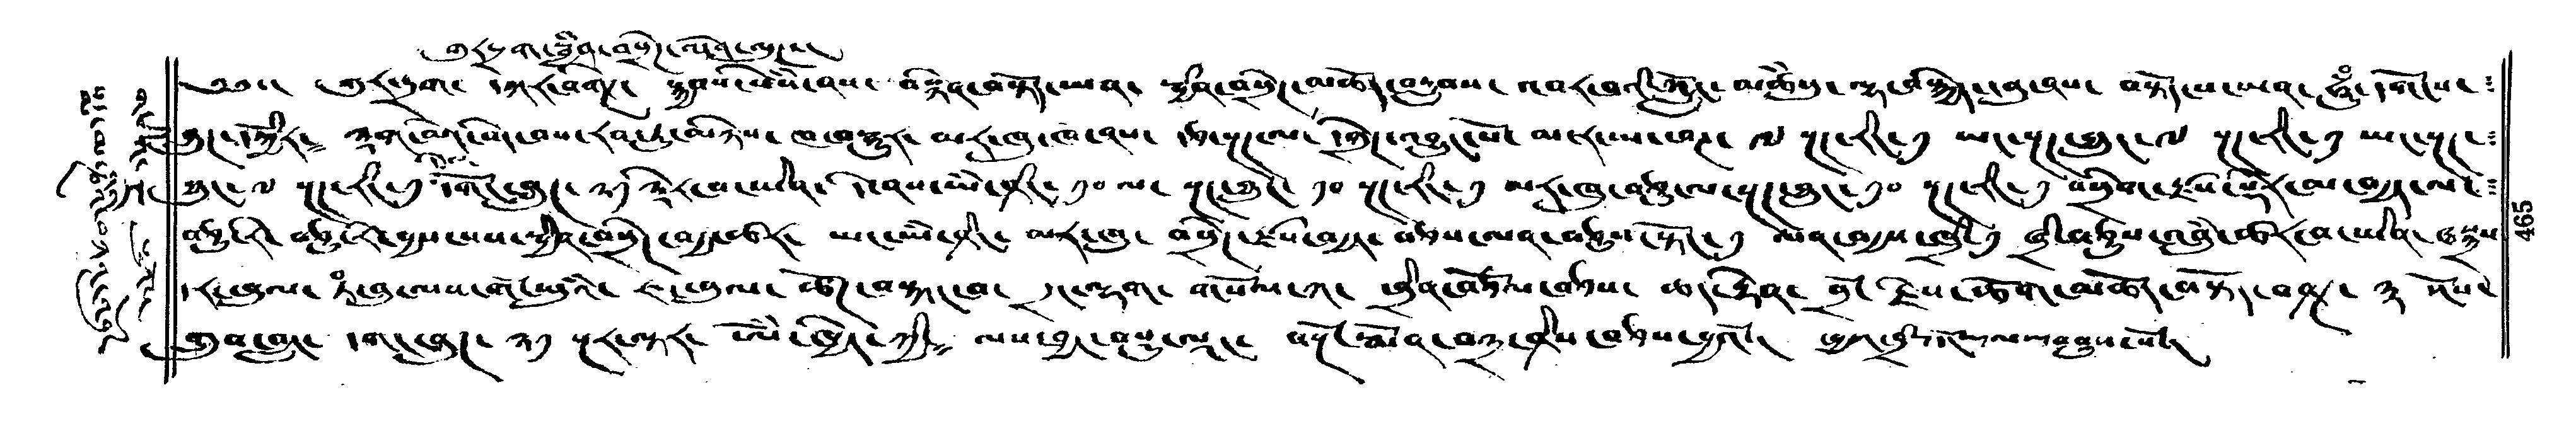༄༅། གུར་དྲག་སྦྱིན་སྲེག་འདོན་ལུགས། གུར་དྲག་དཀར་བགེགས། སྐྱབས་སེམས་ནས། བསྙེན་བསྟོད་ཡན། སྦྱིན་སྲེག་མཆོད་རླབས། འབར་བའི་ཀློང༴ མཚམས་སུ་ལྷ་བསྐྱེད་དབུ་ནས། བསྟོད་པ་ཡན། ཧཱུྃ། དགང་
བླུགས་དཀྱིལ་འཁོར༴ ཟག་མེད་བདེ་བས་རབ་ཏུ་མཉེས། ཁ་བསྒྱུར། མར་ཁུ་ཁ་ནས། རྩ་སྔགས་ལ། དགྲ་བགེགས་འབྱུང་པོ་མ་ར་ཡ་ཕཊཿ བདུན། སྔགས་རིང་གཅིག ཡང་སྔགས་ཐུང་བདུན། ཡང་སྔགས་
ཐུང་བདུན། སྔགས་རིང་གཅིག དེ་ལ་དགོང་བླུགས་ཉེར་གཅིག་ཟེར་བ་ཡིན། དེ་ནས་ཡམ་ཤིང་བཅུ་ལ་སྔགས་ཐུང་བཅུ། སྔགས་རིང་གཅིག མར་ཁུ་བཅུ་ལ་སྔགས་ཐུང་བཅུ། སྔགས་རིང་གཅིག སྲེག་རྫས་སྡེར་མ་བརྒྱད་ལ་
བཅུ་རེ་བཅུ་རེ་བྱས་པས་སྦྱིན་སྲེག་བརྒྱ་ཚར། ཡང་ཡམ་ཤིང་། མར་ཁུ། སྲེག་རྫས་བརྒྱད་བཅས་ལན་བཅུས་སྟོང་གཅིག ལན་བརྒྱས་ཁྲི་གཅིག ཁྲི་བཅུས་འབུམ་ཚར་བ་ཡིན། ཝསྟྲ ས་
དར་ཕུལ། ཏཾ་བུ་ལ ས་གོ་ཡུའམ་ཇ་ཕུལ། ཚོགས། བསྐང་བ། དྲང་ལྷག གསོལ་ཀ། ཕྲིན་བཅོལ་བཅས། ཆད་བརྟན། བྲོ། རྗེས་ཆོག་མཆོད་བསྟོད་བཤགས་གསུམ། དངོས་
གྲུབ་བླང་། དགང་བླུགས་ཉེར་གཅིག་སྔར་ལྟར། ཨོཾ། ཁྱེད་ཀྱི༴ ལས་བྱང་བསྡུ་ལྡང་། བསྔོ་སྨོན་བཀྲ་ཤིས་བཅས་བྱའོ། ཕྱག་བྲིས་དངོམས་ལས་བསྡུས་སོ་།